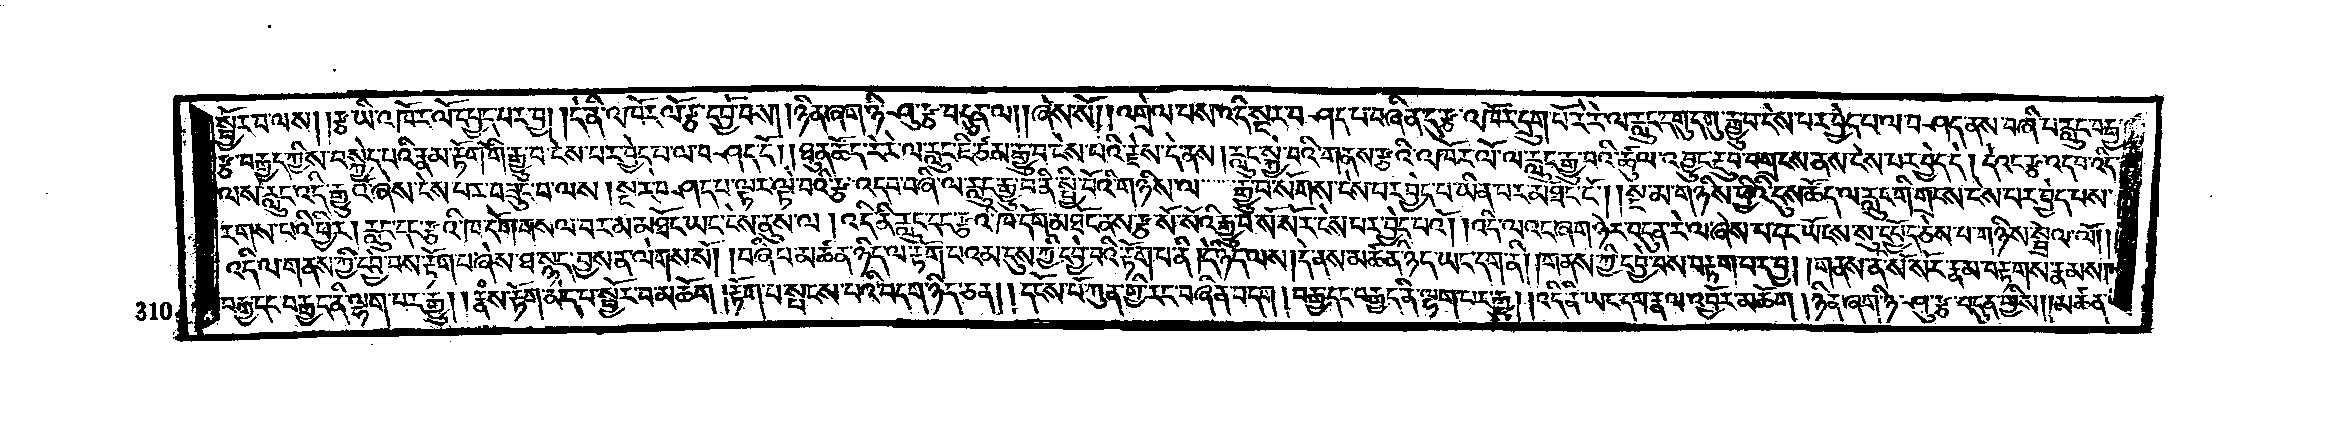སྦྱོར་བ་ལས། །རྩ་ཡི་འཁོར་ལོ་དཔྱད་པར་བྱ། །དེ་ནི་འཁོར་ལོ་རྩ་དབྱེ་བས། །ཉིན་ཞག་ཉི་ཤུ་རྩ་བདུན་ལ། །ཞེས་སོ། །འགྲེལ་པས་འདི་སྔར་བཤད་པ་བཞིན་དུ་རྩ་འཁོར་དྲུག་པོ་རེ་རེ་ལ་རླུང་དགུ་དགུ་རྒྱུ་བ་ངེས་པར་བྱེད་པ་ལ་བཤད་ནས་བཞི་པ་རླུང་བརྒྱ་
རྩ་བརྒྱད་ཀྱིས་བསྐྱེད་པའི་རྣམ་རྟོག་གི་རྒྱུ་བ་ངེས་པར་བྱེད་པ་ལ་བཤད་དོ། །ཐུན་ཚོད་རེ་རེ་ལ་རླུང་ཇི་ཙམ་རྒྱུ་བ་ངེས་པའི་རྗེས་དེ་ནས། རླུང་སྐྱེ་བའི་གནས་རྩའི་འཁོར་ལོ་ལ་རླུང་རྒྱུ་བའི་ཚུལ་འབྱུང་རྔུབ་བགྲངས་ནས་ངེས་པར་བྱེད་དེ། དེའང་རྩ་འདབ་འདི་
ལས་རླུང་འདི་རྒྱུའོ་ཞེས་ངེས་པར་བཟུང་བ་ལས། སྔར་བཤད་པ་ལྟར་ལྟེ་བའི་རྩ་འདབ་བཞི་ལ་རླུང་རྒྱུ་བ་ན་སྤྱི་བོའི་གཉིས་ལ་རྒྱུ་བ་སོགས་ངེས་པར་བྱེད་པ་ཡིན་པར་མཐོང་ངོ། །སྔ་མ་གཉིས་ཕྱིའི་དུས་ཚོད་ལ་རླུང་གི་གྲངས་ངེས་པར་བྱེད་པས་
རགས་པའི་ཕྱིར། རླུང་དང་རྩའི་ཁ་དོག་གསལ་བར་མ་མཐོང་ཡང་ངེས་ནུས་ལ། འདི་ནི་རླུང་དང་རྩའི་ཁ་དོག་མཐོང་ནས་རྩ་སོ་སོའི་རྒྱུ་བ་སོ་སོར་ངེས་པར་བྱེད་པའོ། །འདི་ལའང་ཞག་ཉེར་བདུན་རེ་ལ་ཞེས་པ་དང་ཡོངས་སུ་དཔྱོད་ཅེས་པ་གཉིས་སྦྲེལ་ལོ། །
འདི་ལ་གནས་ཀྱི་དབྱེ་བས་རྟོག་པ་ཞེས་ཐ་སྙད་བྱས་ན་ལེགས་སོ། །བཞི་པ་མཚན་ཉིད་ལ་རྟོག་པའམ་དུས་ཀྱི་དབྱེ་བའི་རྟོག་པ་ནི། དེ་ཉིད་ལས། ད་ནས་མཚན་ཉིད་ཡང་དག་ནི། །གནས་ཀྱི་དབེན་བས་བརྟག་པར་བྱ། །གནས་ནི་སོ་སོར་རྣམ་བརྟགས་རྣམས། །
བརྒྱ་དང་བརྒྱད་ནི་ལྷག་པར་རྒྱུ། །རྣས་རྟོག་མེད་པ་སྦྱོར་བ་མཆོག །རྟོག་པ་སྤངས་པའི་བདག་ཉིད་ཅན། །དངོས་པོ་ཀུན་གྱི་རང་བཞིན་བདག །བརྒྱ་དང་བརྒྱད་ནི་ལྷག་པར་རྒྱུ། །འདི་ནི་ཡང་དག་རྣལ་འབྱོར་མཆོག །ཉིན་ཞག་ཉི་ཤུ་རྩ་བདུན་གྱིས། །མཚ་